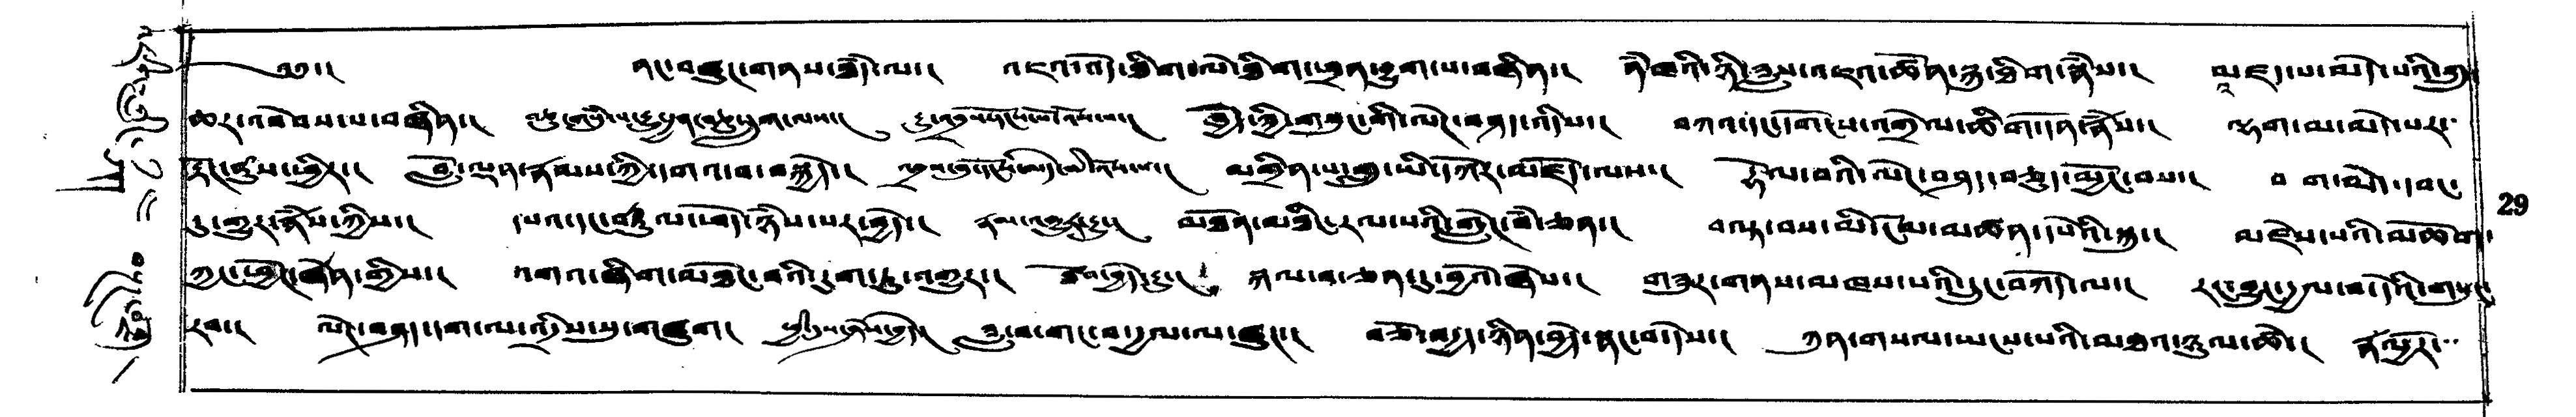ནང་བཞུགས་གནས་ཐམས་ཅད་ལ། །འཇའ་འོད་ཐིག་ལེ་ཐིག་ཕྲན་བྱུག་པ་བཞིན། །ནམ་མཁའི་ཉི་ཟླས་འཇའ་ཚོན་སྐུ་ཐིག་རྣམས། །འཛད་པ་མེད་པའི་གྲུ་
ཆར་འབེབས་པ་བཞིན། ། བཅུ་གསུམ་པ་རྒྱུ་རྒྱན་བཅུ་དྲུག་ལས། རྒྱུ་འབྲས་དངོས་པོ་འོས་པ། ཁྱོད་ཀྱི་གསུང་གི་ལེགས་བཤད་འདིས། །བཀའ་དང་དགོངས་འགྲེལ་ཚིག་དོན་རྣམས། །ལྷག་མ་མེད་པར་
རྟོགས་ནུས་ཕྱིར། །བློ་ལྡན་རྣམས་ཀྱི་དགའ་བ་བསྐྱེད། ། འབྲས་བུ་དངོས་མེད་མི་འོས་པ། མགྲིན་པ་གླུ་ཡི་དཀོར་མཛོད་ལས། །རྡོལ་བའི་ལེགས་བཤད་བཅུད་མྱོང་བས། །བག་མེད་དབང་
དུ་གྱུར་རྣམས་ཀྱིས། །དཔའ་དང་བརྟུལ་ཕོད་ཉམས་པར་བྱེད། ། རྣམ་འགྱུར་རྒྱུ།མཐོན་མཐིང་རལ་པའི་གླེགས་བམ་ཅན། །བལྟ་བས་མི་ངོམས་མཚན་དཔེའི་སྐུ། །མཛེས་པའི་མཆོག་
ཀྱང་ཕྱོགས་ཞེན་གྱིས། །འགའ་ཞིག་མཐོང་བའི་དུག་ཏུ་འགྱུར། ། ཐོབ་བྱེད་རྒྱུ། སྐལ་བ་ཅན་དུ་བྱའོ་ཞེས། །གཟུར་གནས་མཁས་པའི་དྲུང་བཀོད་ལ། །རང་བྱུང་རྒྱལ་བ་དེའི་གསུང་
རབ། །ལེགས་བཤད་དག་ལ་འདྲིས་སུ་གཞུག ཕྱི་དུས་ཤེས་བྱེད། ཟླ་བ་གང་བ་རྒྱལ་ལ་ཞུགས། །བཅོ་བརྒྱད་ཉིན་བྱེད་སྣང་བ་དེས། །ཀུན་གསལ་ཡངས་པའི་མཐའ་ཉུལ་ཚེ། །རྣལ་འབྱོར་